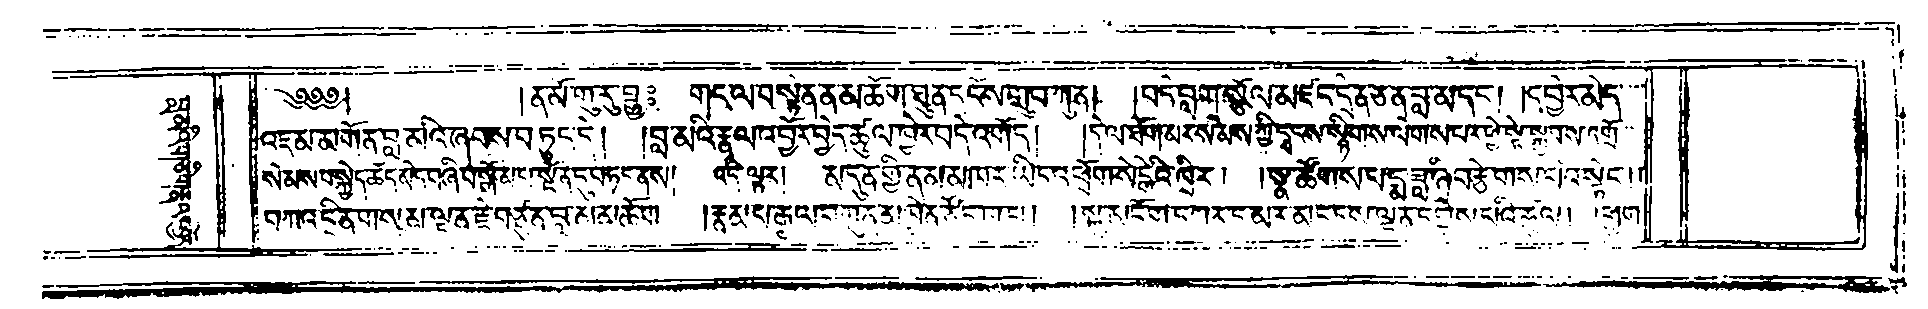༄༅༅། །ན་མོ་གུ་རུ་བྷྱཿ གང་ལ་བསྟེན་ན་མཆོག་ཐུན་དངོས་གྲུབ་ཀུན། །བདེ་བླག་སྩོལ་མཛད་དྲིན་ཅན་བླ་མ་དང་། །དབྱེར་མེད་
འཇམ་མགོན་བླ་མའི་ཞབས་བཏུད་དེ། །བླ་མའི་རྣལ་འབྱོར་བྱེད་ཚུལ་ཁྱེར་བདེ་འགོད། །དེ་ལ་ཐོག་མར་སེམས་ཀྱི་དྭངས་སྙིགས་ལེགས་པར་ཕྱེ་སྟེ་སྐྱབས་འགྲོ་
སེམས་བསྐྱེད་ཚད་མེད་བཞི་བསྒོམ་པ་སྔོན་དུ་བཏང་ནས། འདི་ལྟར། མདུན་གྱི་ནམ་མཁར་ཡིད་འཕྲོག་སེངྒེའི་ཁྲིར། །སྣ་ཚོགས་པདམ་ཟླ་ཉི་བརྩེགས་པའི་སྟེང་། །
བཀའ་དྲིན་གསུམ་ལྡན་རྗེ་བཙུན་བླ་མ་མཆོག །རྣམ་པ་རྒྱལ་བ་ཀུན་མཁྱེན་ཙོང་ཁ་པ། །སྐུ་མདོག་དཀར་དམར་མདངས་ལྡན་དགྱེས་པའི་ཚུལ། །ཕྱག་